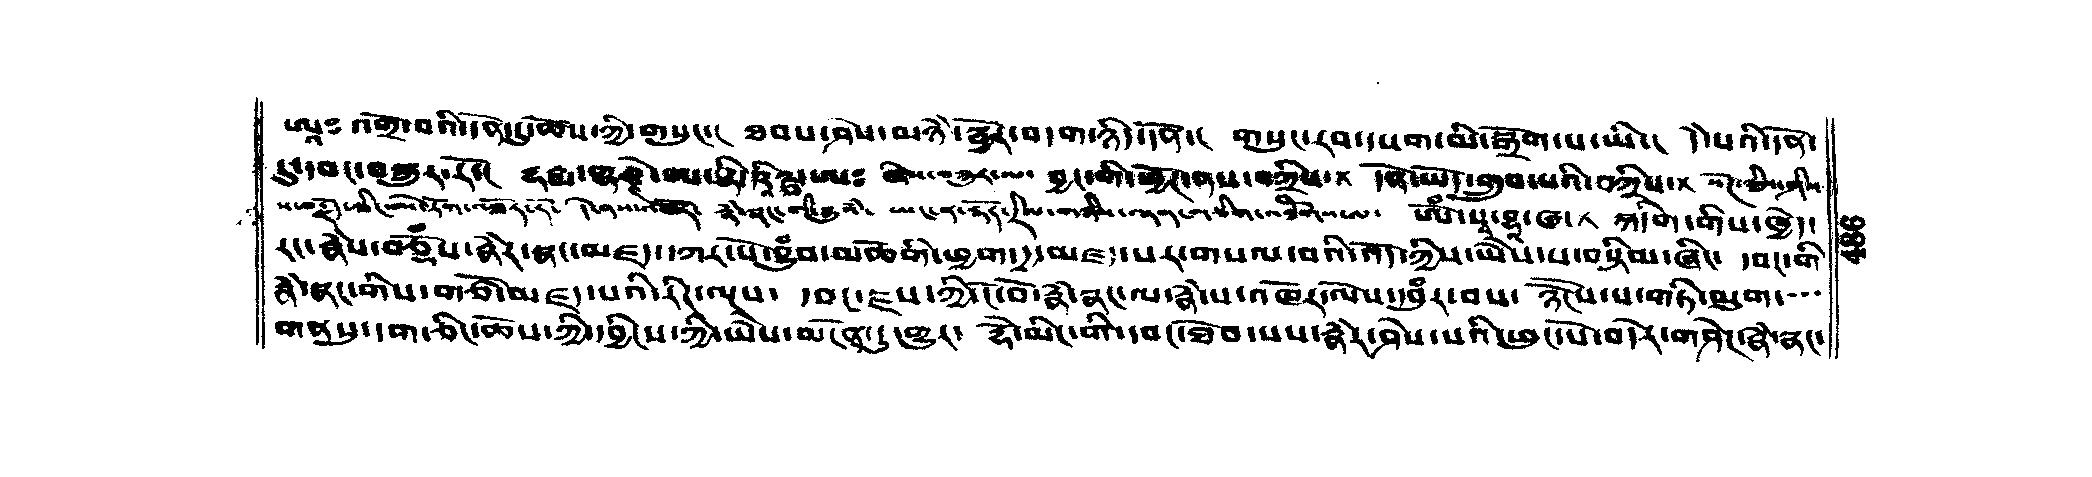ཨཱཿ འགྲོ་བའི་དོན་དུ་ཆོས་ཀྱི་གསུང་། །ཐབས་ཤེས་མཉམ་སྦྱོར་བདག་ཉིད་དོན། །གསུང་རབ་དཔག་མེད་སྒྲོག་པ་ཡི། །དམ་པའི་དོན་
དུ་དབང་བསྐུར་རོ། །དྷརྨ་གྷཎྜེ་ཨ་བྷི་རཱིཉྩ་ཨཿཞེས་བསྐུར་ལ། བྱང་གི་ཕྱོགས་ནས་བཀྲ་ཤིས༴དོན་ཡོད་གྲུབ་པའི་བཀྲ་ཤིས༴ སོགས་ཀྱི་ཤིས་
པ་བརྗོད་ཅིང་མེ་ཏོག་འཐོར་རོ། དེ་ནས་འཁོར་ལོ། རྣམ་སྣང་གི་སྐུའམ། ཡང་ན་རྡོར་དྲིལ་གཉིས་ལྷན་ཅིག་ཐོགས་ལ། ཨོྃ་སྭ་བྷཱ་ཝ༴ སྐད་ཅིག་གིས་ཁྱེད་
རང་རྣམས་བཅོམ་ལྡན་འདས་རྣམ་པར་སྣང་མཛད་དཀར་པོ་བྱང་ཆུབ་མཆོག་གི་ཕྱག་རྒྱ་མཛད་པར་གསལ་བའི་འོད་ཀྱིས་ཡེ་ཤེས་པ་བསྟིམ་ཞིང་། དབང་གི་
རྣམ་སྣང་གིས་གཙོ་མཛད་པའི་རིགས་ལྔས། དབང་རྫས་ཀྱི་ངོ་བོ་རྣམ་སྣང་ལ་རྣམ་པ་འཁོར་ལོས་དབང་བསྐུར་བས། ཉོན་མོངས་པ་གཏི་མུག་
གནས་སུ་དག་ཅིང་ཆོས་ཀྱི་དབྱིངས་ཀྱི་ཡེ་ཤེས་མངོན་དུ་གྱུར།རྡོ་རྗེ་མིང་གི་དབང་ཐོབ་པས་རྣམ་པར་ཤེས་པའི་ཕུང་པོ་བདེར་བཤེགས་རྣམ་སྣང་